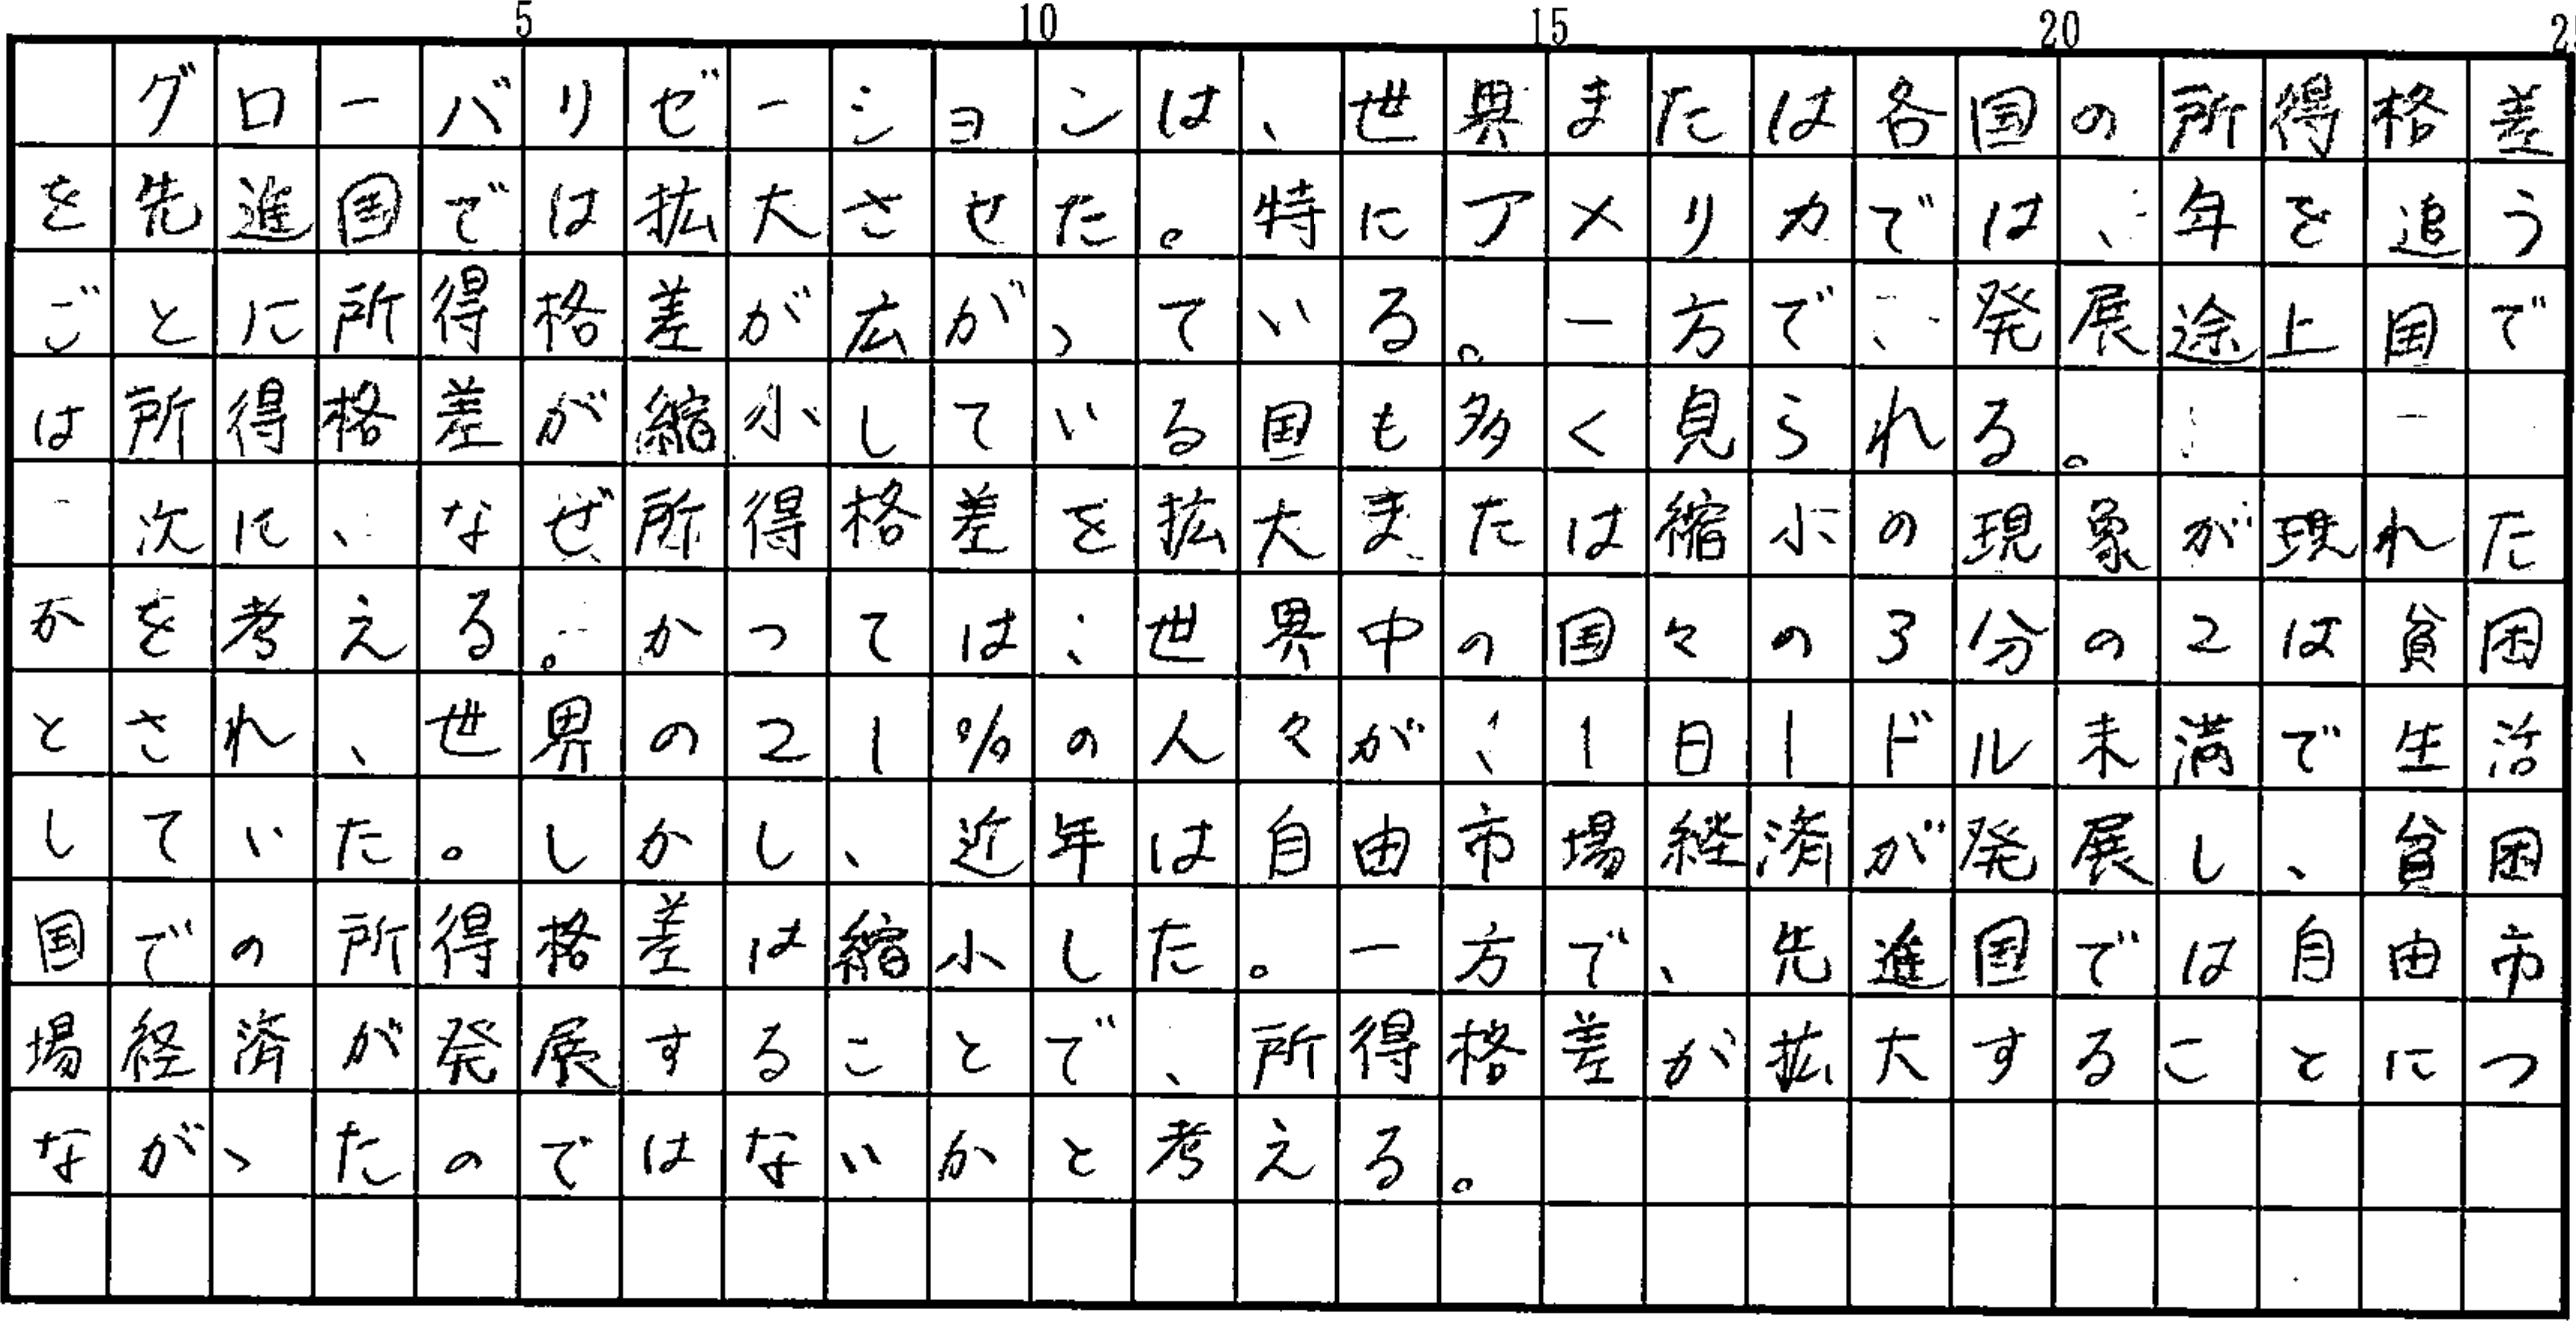　グローバリゼーションは、世界または各国の所得格差を先進国では拡大させた。特にアメリカでは、年を追うごとに所得格差が広がっている。一方で、発展途上国では所得格差が縮小している国も多く見られる。
　次に、なぜ所得格差を拡大または縮小の現象が現れたかを考える。かつては、世界中の国々の３分の２は貧困とされ、世界の２１％の人々が、１日１ドル未満で生活していた。しかし、近年は自由市場経済が発展し、貧困国での所得格差は縮小した。一方で、先進国では自由市場経済が発展することで、所得格差が拡大することにつながったのではないかと考える。
